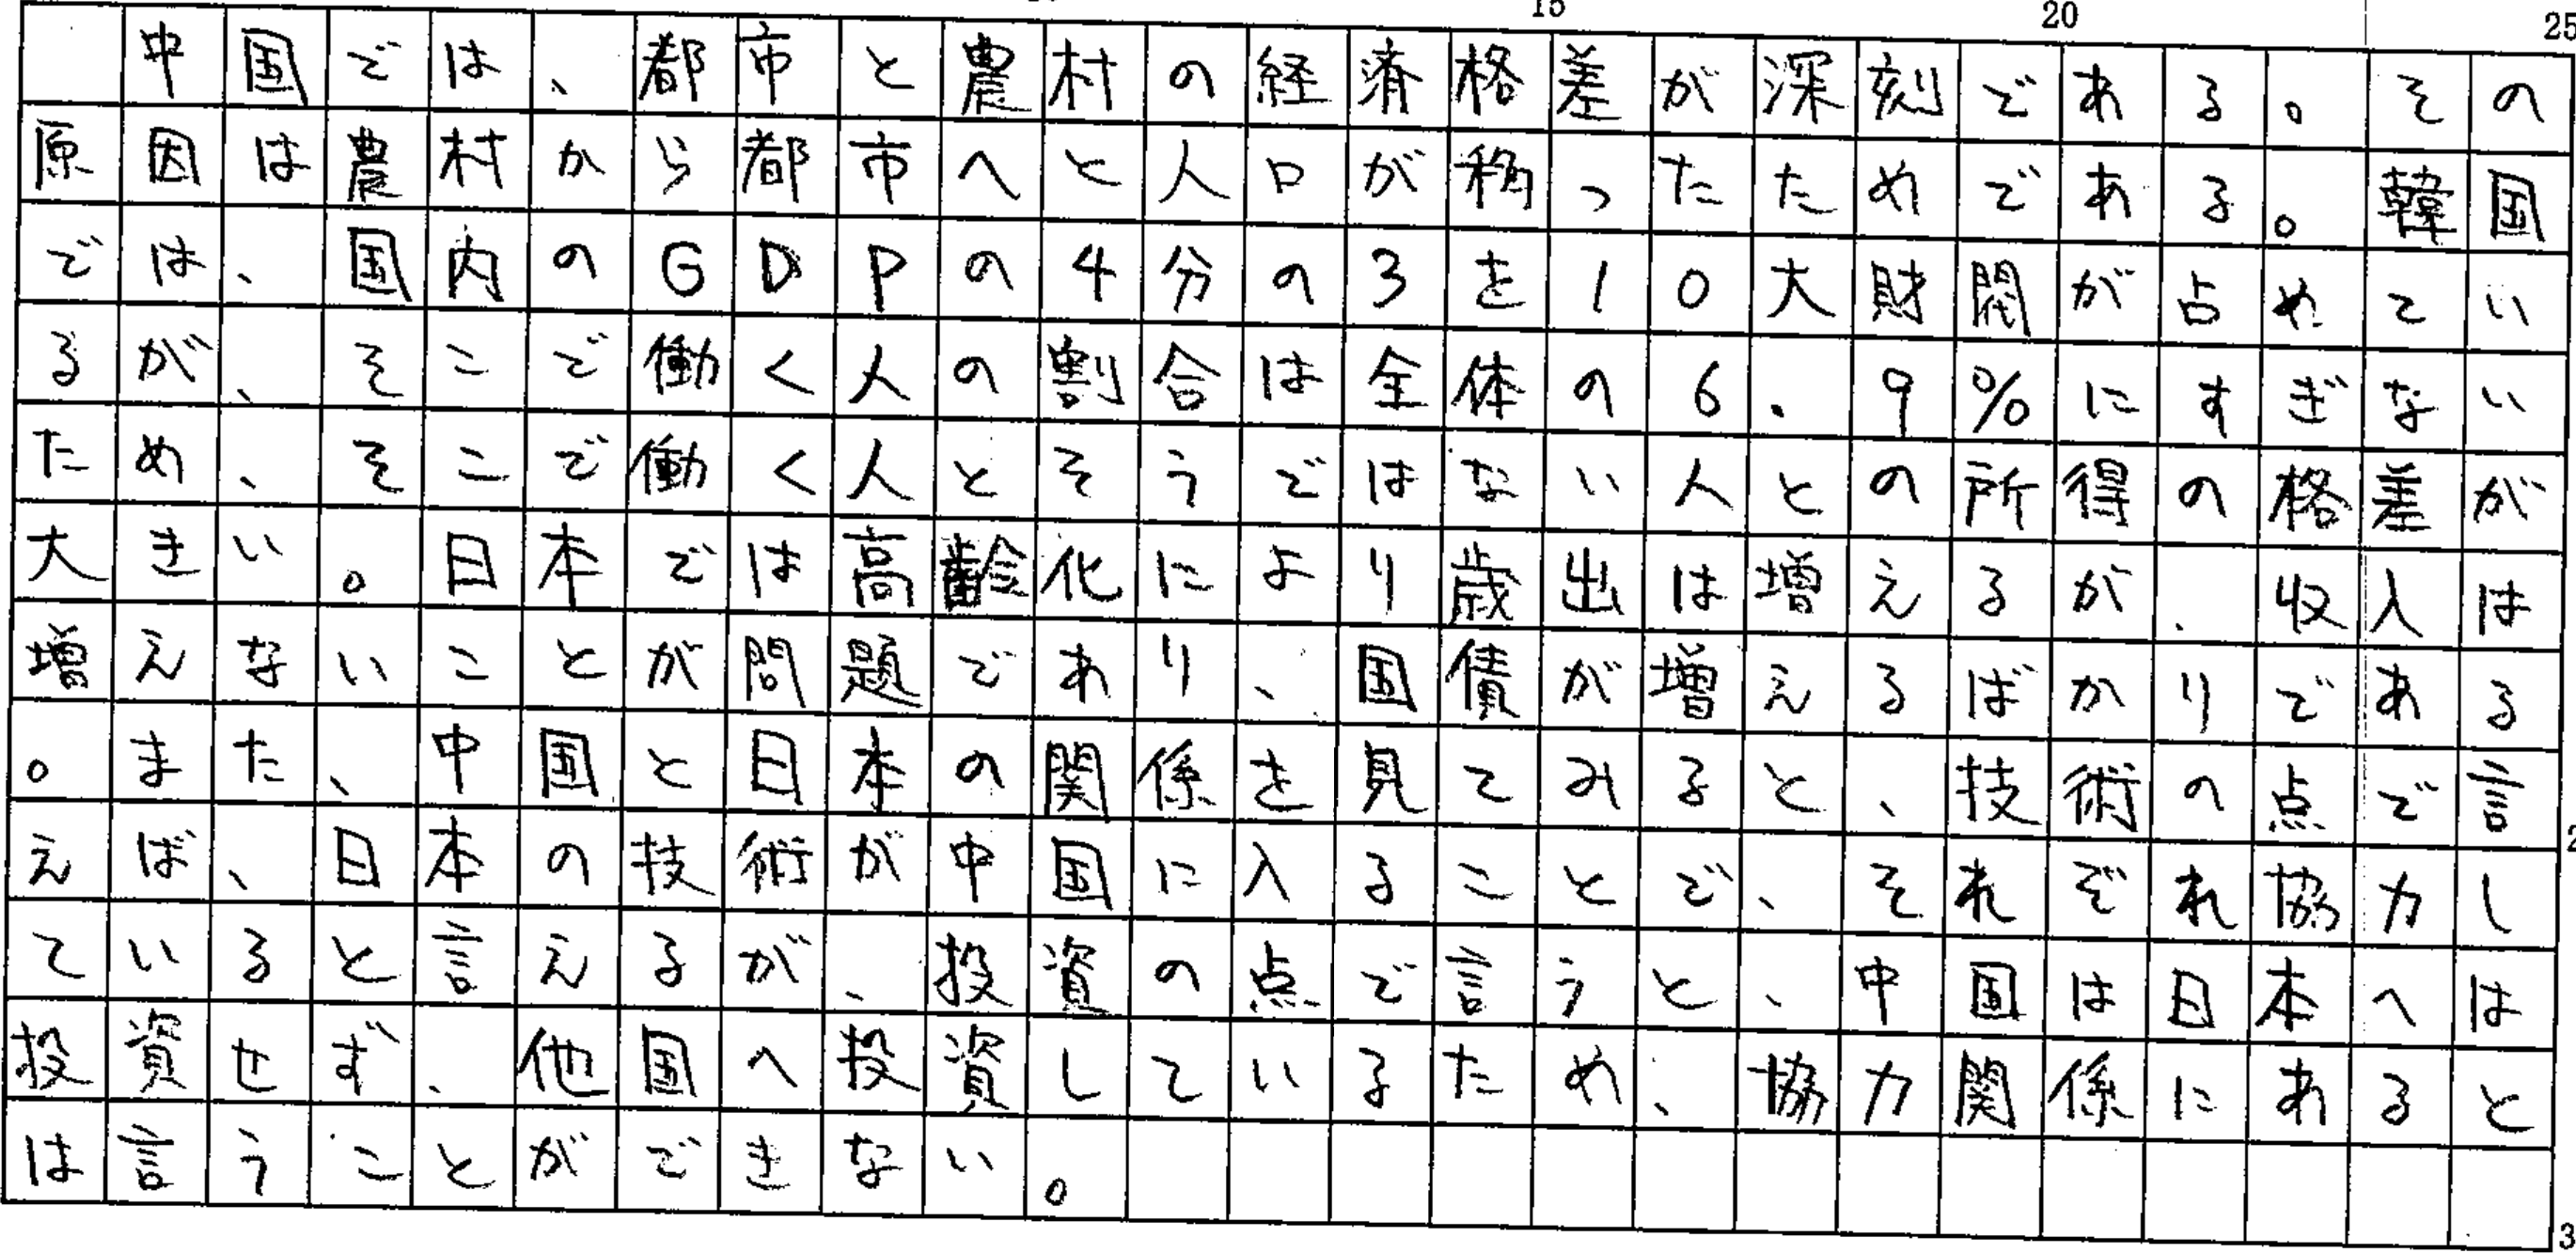　中国では、都市と農村の経済格差が深刻である。その原因は農村から都市へと人口が移ったためである。韓国では、国内のＧＤＰの４分の３を１０大財▁が占めているが、そこで働く人の割合は全体の６．９％にすぎないため、そこで働く人とそうではない人との所得の格差が大きい。日本では高齢化により歳出は増えるが、収入は増えないことが問題であり、国債が増えるばかりである。また、中国と日本の関係を見てみると、技術の点で言えば、日本の技術が中国に入ることで、それぞれ協力していると言えるが、投資の点で言うと、中国は日本へは投資せず、他国へ投資しているため、協力関係にあるとは言うことができない。
